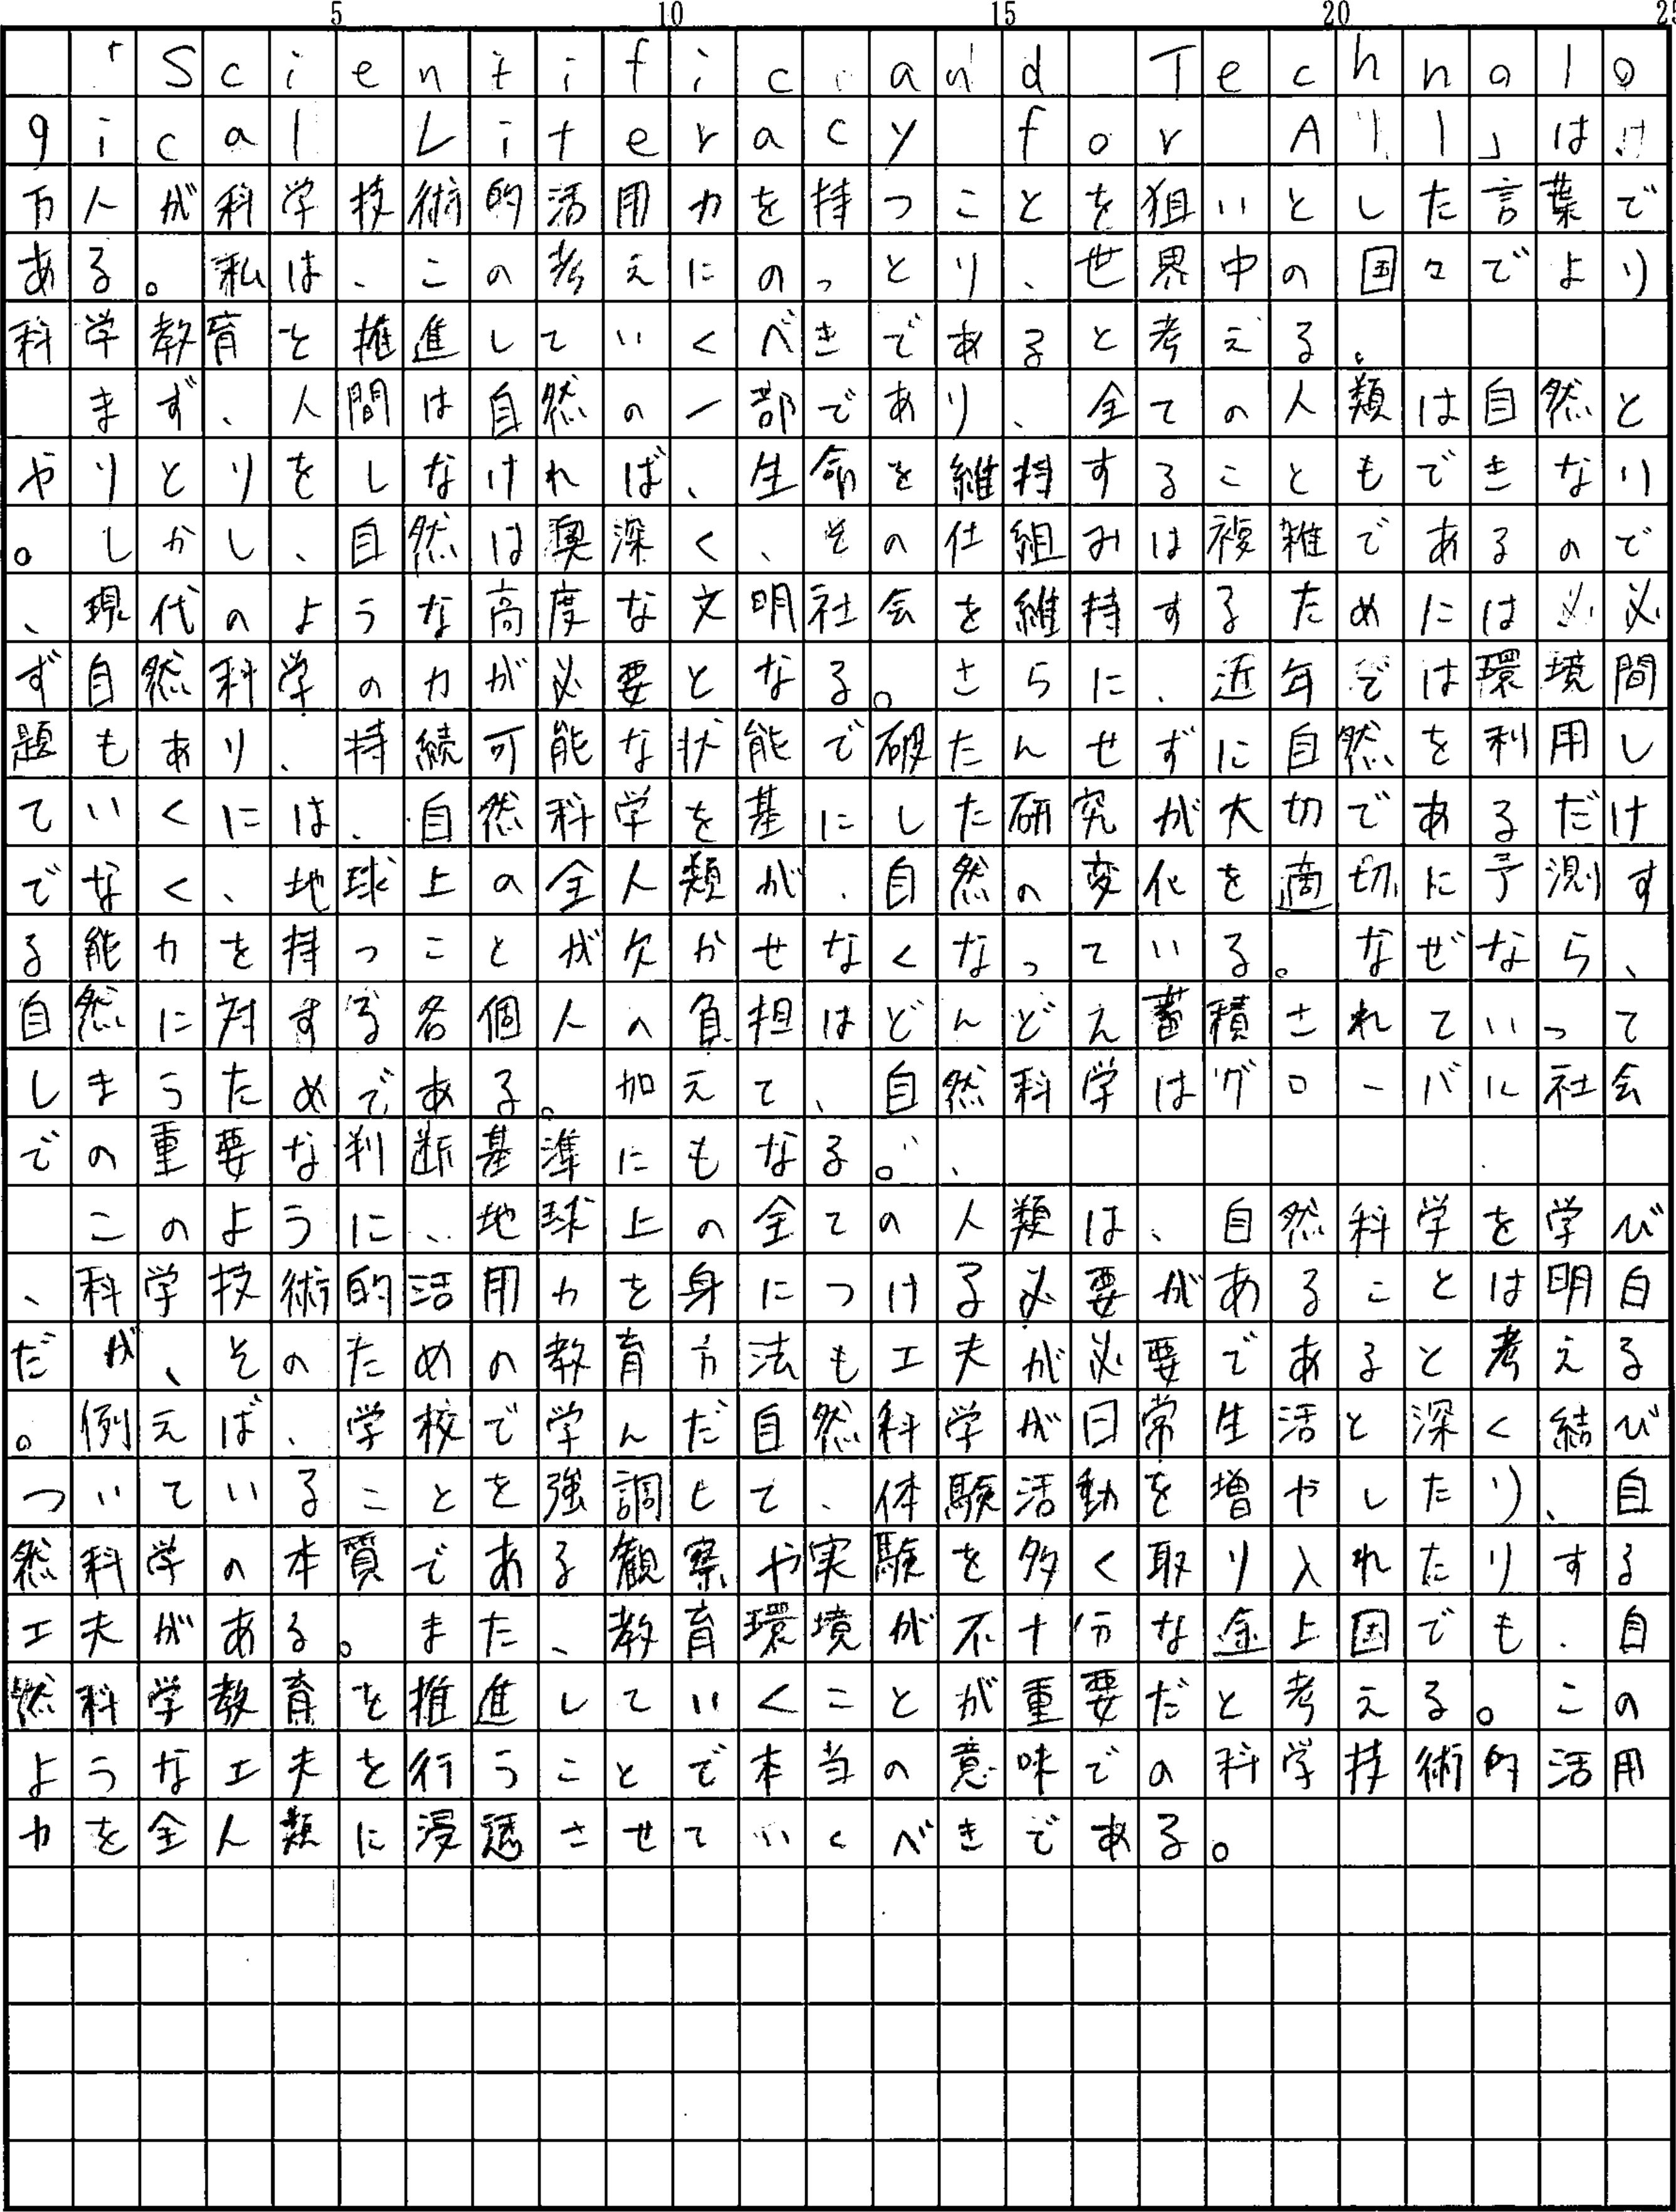　「Ｓｃｉｅｎｔｉｆｉｃ　ａｎｄ　Ｔｅｃｈｎｏｌｏｇｉｃａｌ　Ｌｉｔｅｒａｃｙ　ｆｏｒ　Ａｌｌ」は、万人が科学技術的活用力を持つことを狙いとした言葉である。私は、この考えにのっとり、世界中の国々でより科学教育を推進していくべきであると考える。
　まず、人間は自然の一部であり、全ての人類は自然とやりとりをしなければ、生命を維持することもできない。しかし、自然は奥深く、その仕組みは複雑であるので、現代のような高度な文明社会を維持するためには、必ず自然科学の力が必要となる。さらに、近年では環境間題もあり、持続可能な状能で破たんせずに自然を利用していくには、自然科学を基にした研究が大切であるだけでなく、地球上の全人類が、自然の変化を適切に予測する能力を持つことが欠かせなくなっている。なぜなら、自然に対する各個人の負担はどんどん蓄積さていってしまうためである。加えて、自然科学はグローバル社会での重要な判断基準にもなる。
　このように、地球上の全ての人類は、自然科学を学び、科学技術的活用力を身につける必要があることは明白だが、そのための教育方法も工夫が必要であると考える。例えば、学校で学んだ自然科学が日常生活と深く結びついていることを強調して、体験活動を増やしたり、自然科学の本質である観察や実験を多く取り入れたりする工夫がある。また、教育環境が不十分な途上国でも、自然科学教育を推進していくことが重要だと考える。このような工夫を行うことで本当の意味での科学技術的活用力を全人類に浸▁させていくべきである。
